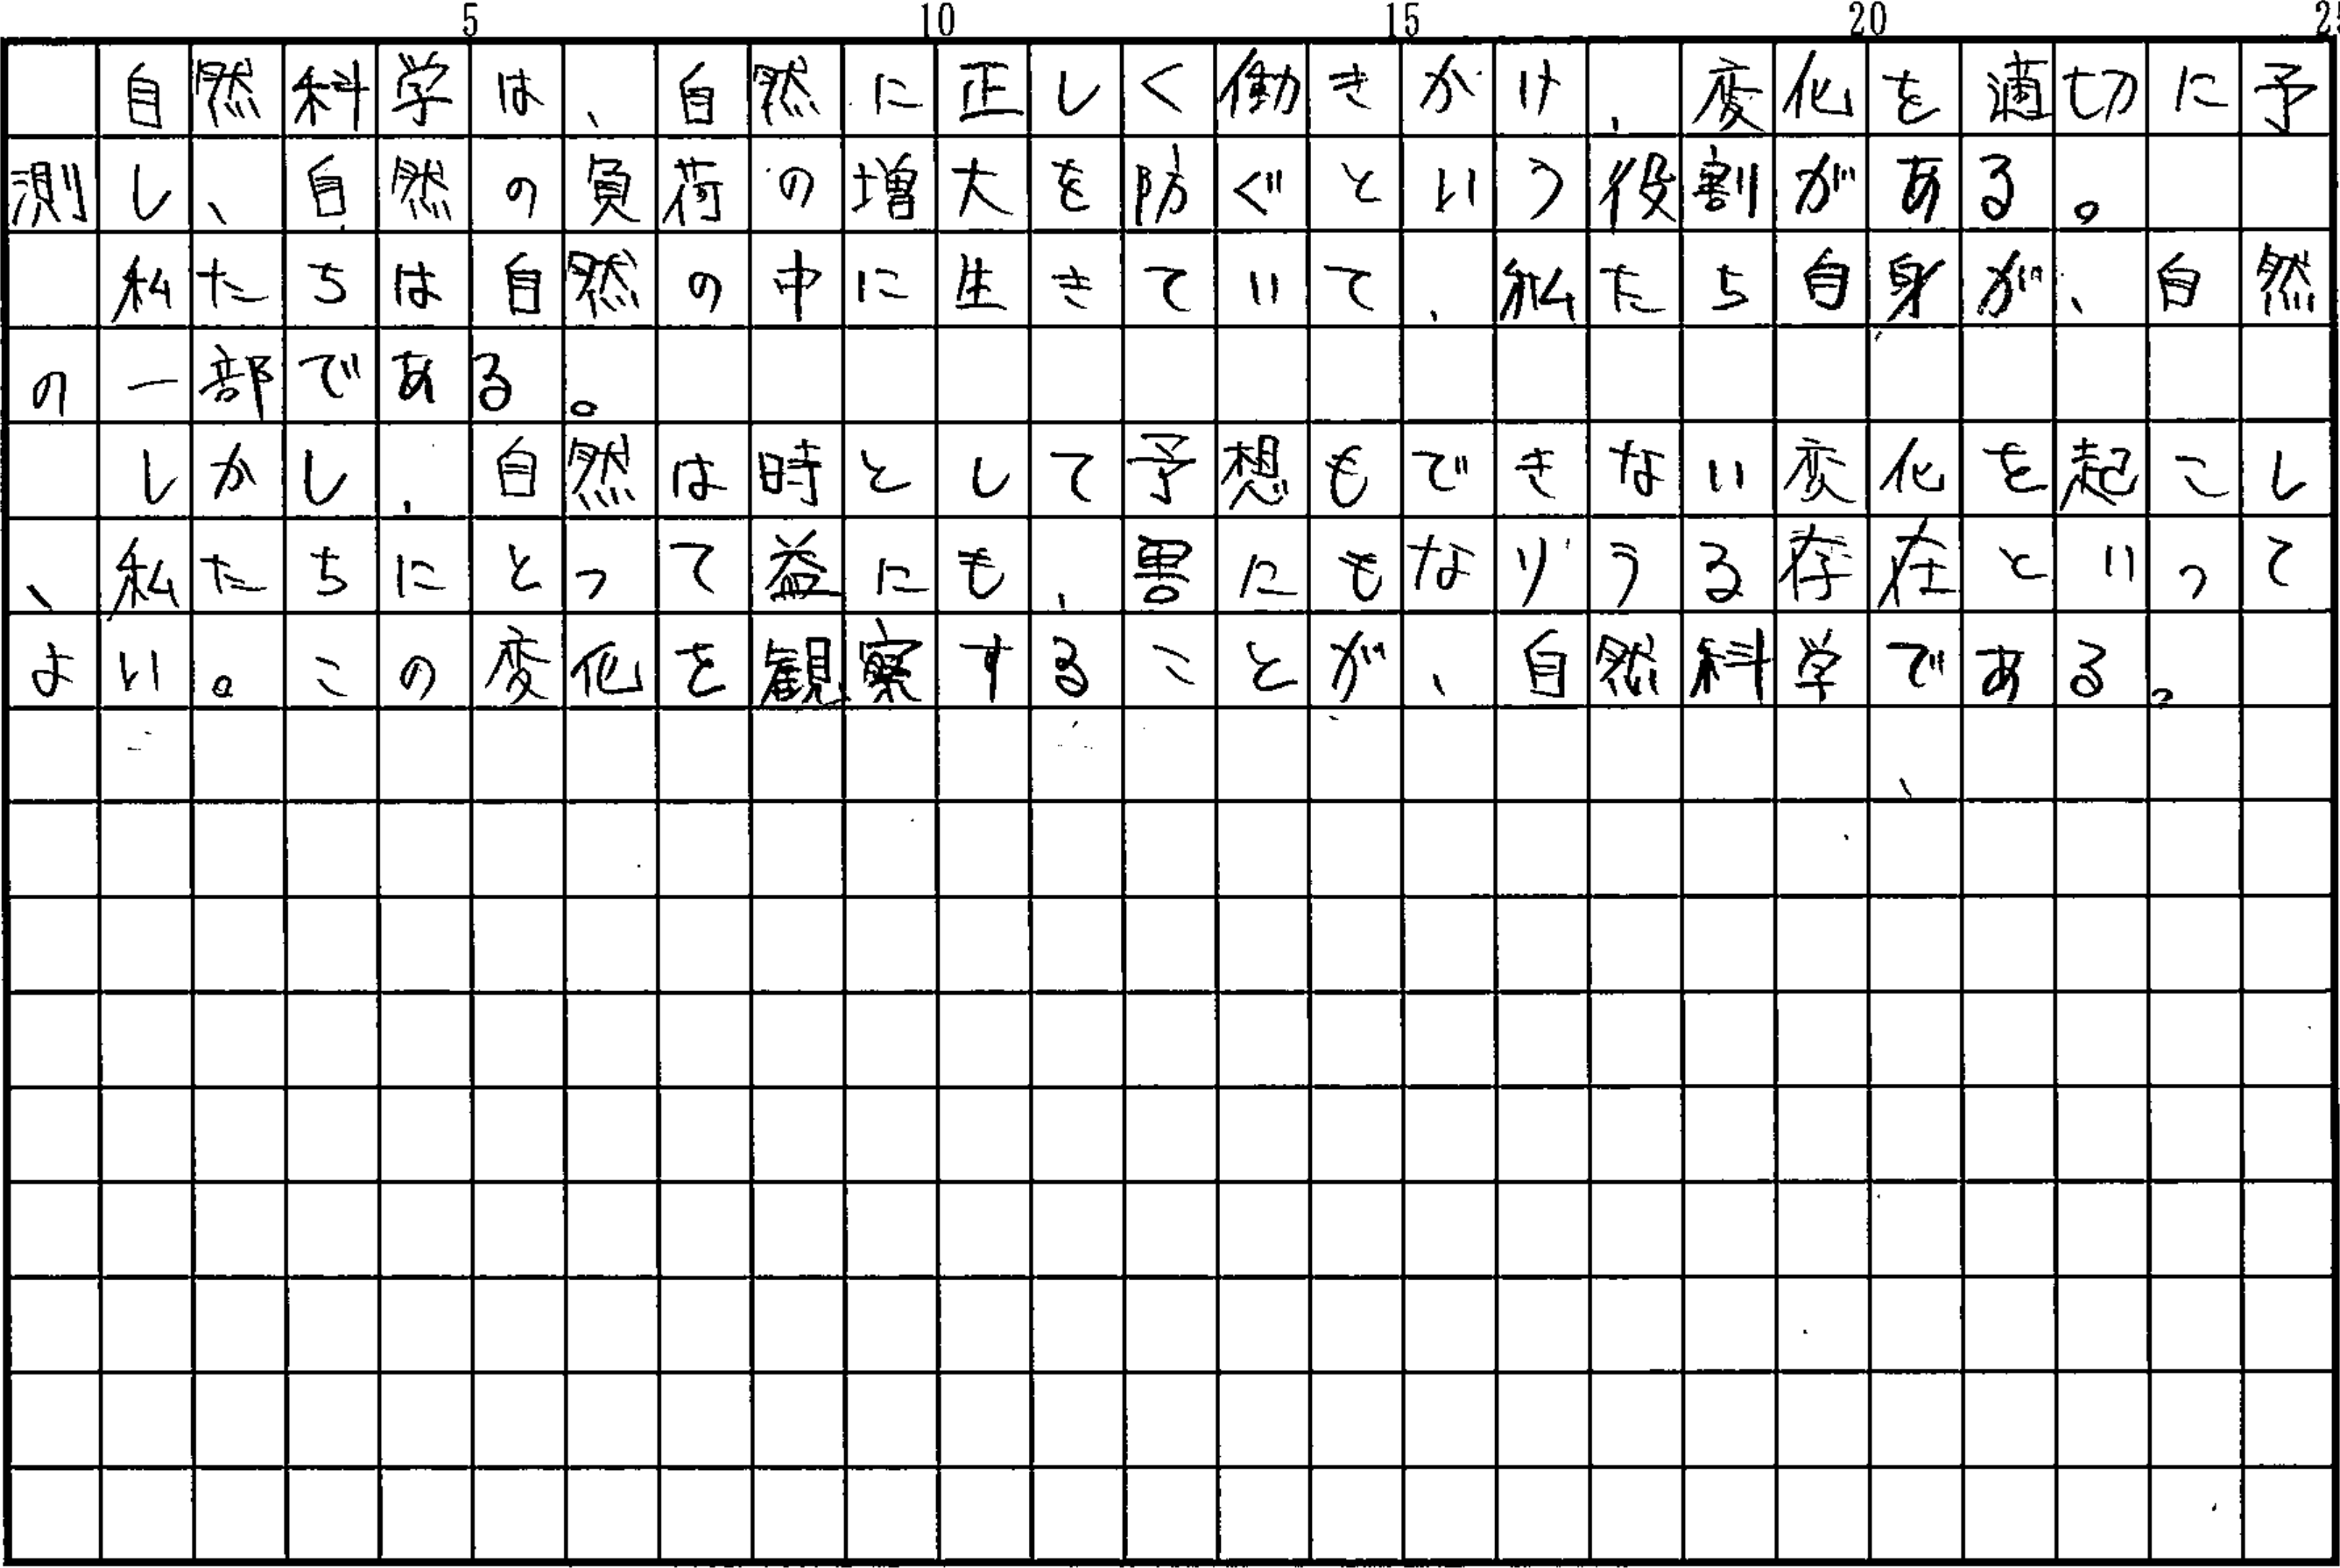　自然科学は、自然に正しく働きかけ、変化を適切に予測し、自然の負荷の増大を防ぐという役割がある。
　私たちは自然の中に生きていて、私たち自身が、自然の一部である。
　しかし、自然は時として予想もできない変化を起こし、私たちにとって益にも、害にもなりうる存在といってよい。この変化を観察することが、自然科学である。
